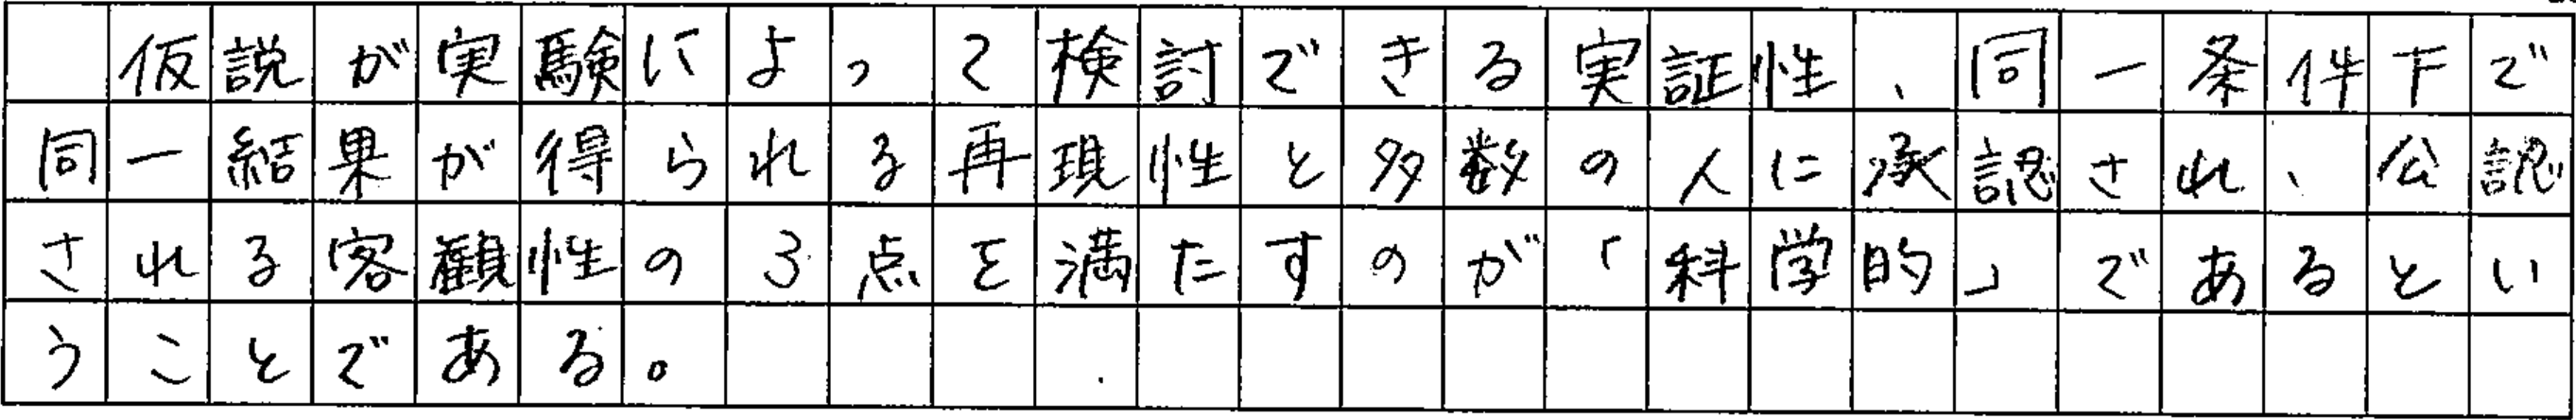　仮説が実験によって検討できる実証性、同一条件下で同一結果が得られる再現性と多数の人に承認され、公認される客観性の３点を満たすのが「科学的」であるということである。
